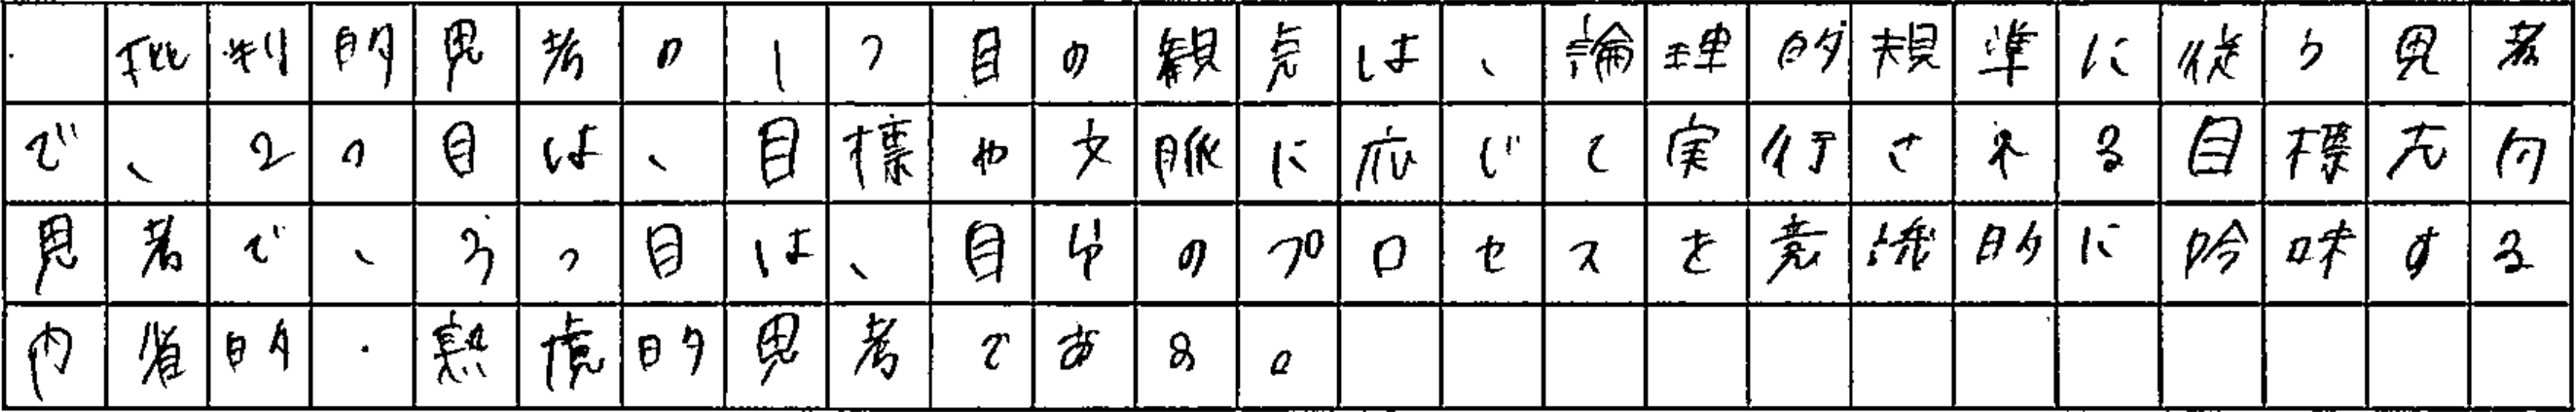　批判的思考の１つ目の観▁は、論理的規準に従う思考で、２つ目は、目標や文脈に応じて実行される目標志向思考で、３つ目は、自分のプロセスを意識的に吟味する内省的・熟慮的思考であ▁。
